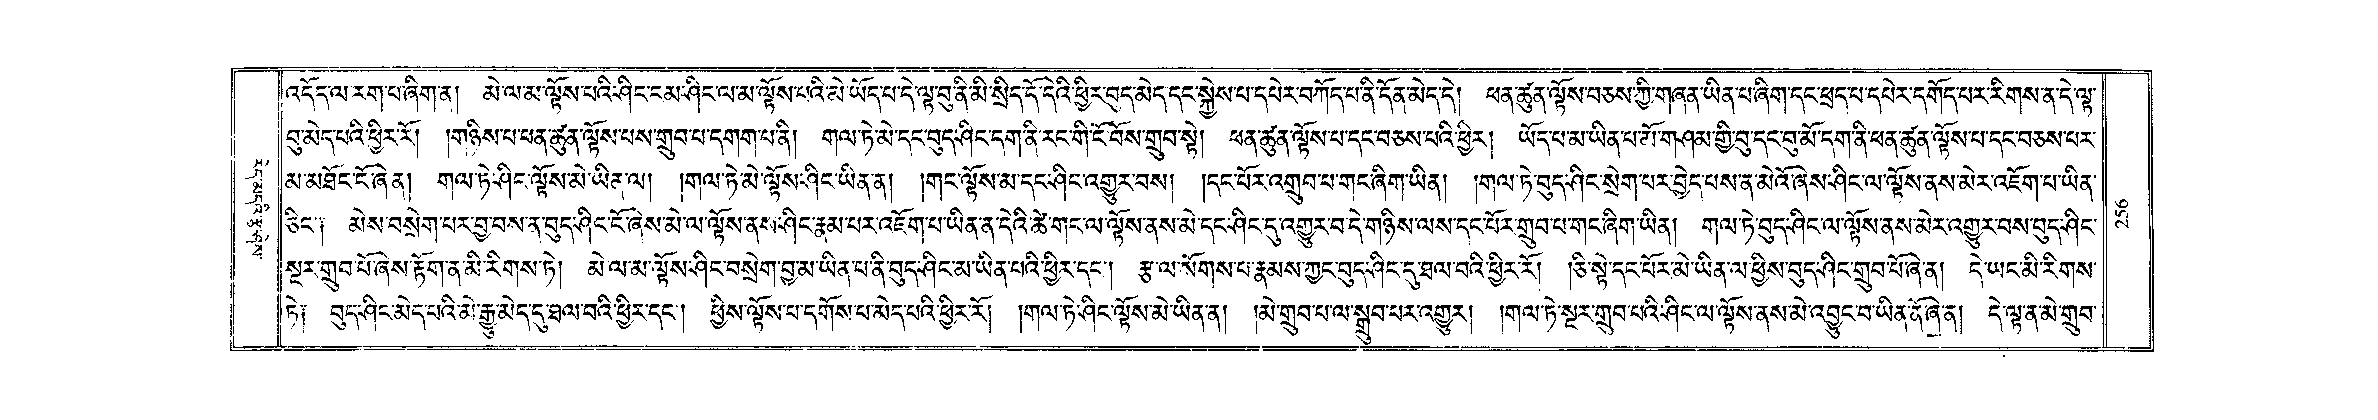འདོད་ལ་རག་པ་ཞིག་ན། མེ་ལ་མ་ལྟོས་པའི་ཤིང་ངམ་ཤིང་ལ་མ་ལྟོས་པའི་མེ་ཡོད་པ་དེ་ལྟ་བུ་ནི་མི་སྲིད་དོ་དེའི་ཕྱིར་བུད་མེད་དང་སྐྱེས་པ་དཔེར་བཀོད་པ་ནི་དོན་མེད་དེ། ཕན་ཚུན་ལྟོས་བཅས་ཀྱི་གཞན་ཡིན་པ་ཞིག་དང་ཕྲད་པ་དཔེར་དགོད་པར་རིགས་ན་དེ་ལྟ་
བུ་མེད་པའི་ཕྱིར་རོ། །གཉིས་པ་ཕན་ཚུན་ལྟོས་པས་གྲུབ་པ་དགག་པ་ནི། གལ་ཏེ་མེ་དང་བུད་ཤིང་དག་ནི་རང་གི་ངོ་བོས་གྲུབ་སྟེ། ཕན་ཚུན་ལྟོས་པ་དང་བཅས་པའི་ཕྱིར། ཡོད་པ་མ་ཡིན་པ་མོ་གཤམ་གྱི་བུ་དང་བུ་མོ་དག་ནི་ཕན་ཚུན་ལྟོས་པ་དང་བཅས་པར་
མ་མཐོང་ངོ་ཞེ་ན། གལ་ཏེ་ཤིང་ལྟོས་མེ་ཡིན་ལ། །གལ་ཏེ་མེ་ལྟོས་ཤིང་ཡིན་ན། །གང་ལྟོས་མ་དང་ཤིང་འགྱུར་བས། །དང་པོར་འགྲུབ་པ་གང་ཞིག་ཡིན། །གལ་ཏེ་བུད་ཤིང་སྲེག་པར་བྱེད་པས་ན་མེའོ་ཞེས་ཤིང་ལ་ལྟོས་ནས་མེར་འཇོག་པ་ཡིན་
ཅིང༑ མེས་བསྲེག་པར་བྱ་བས་ན་བུད་ཤིང་ངོ་ཞེས་མེ་ལ་ལྟོས་ནས་ཤིང་རྣམ་པར་འཇོག་པ་ཡིན་ན་དེའི་ཚེ་གང་ལ་ལྟོས་ནས་མེ་དང་ཤིང་དུ་འགྱུར་བ་དེ་གཉིས་ལས་དང་པོར་གྲུབ་པ་གང་ཞིག་ཡིན། གལ་ཏེ་བུད་ཤིང་ལ་ལྟོས་ནས་མེར་འགྱུར་བས་བུད་ཤིང་
སྔར་གྲུབ་པོ་ཞེས་རྟོག་ན་མི་རིགས་ཏེ། མེ་ལ་མ་ལྟོས་ཤིང་བསྲེག་བྱ་མ་ཡིན་པ་ནི་བུད་ཤིང་མ་ཡིན་པའི་ཕྱིར་དང་། རྩ་ལ་སོགས་པ་རྣམས་ཀྱང་བུད་ཤིང་དུ་ཐལ་བའི་ཕྱིར་རོ། །ཅི་སྟེ་དང་པོར་མེ་ཡིན་ལ་ཕྱིས་བུད་ཤིང་གྲུབ་པོ་ཞེ་ན། དེ་ཡང་མི་རིགས་
ཏེ༑ བུད་ཤིང་མེད་པའི་མེ་རྒྱུ་མེད་དུ་ཐལ་བའི་ཕྱིར་དང་། ཕྱིས་ལྟོས་པ་དགོས་པ་མེད་པའི་ཕྱིར་རོ། །གལ་ཏེ་ཤིང་ལྟོས་མེ་ཡིན་ན། །མེ་གྲུབ་པ་ལ་སྒྲུབ་པར་འགྱུར། །གལ་ཏེ་སྔར་གྲུབ་པའི་ཤིང་ལ་ལྟོས་ནས་མེ་འབྱུང་བ་ཡིན་ནོ་ཞེ་ན། དེ་ལྟ་ན་མེ་གྲུབ་